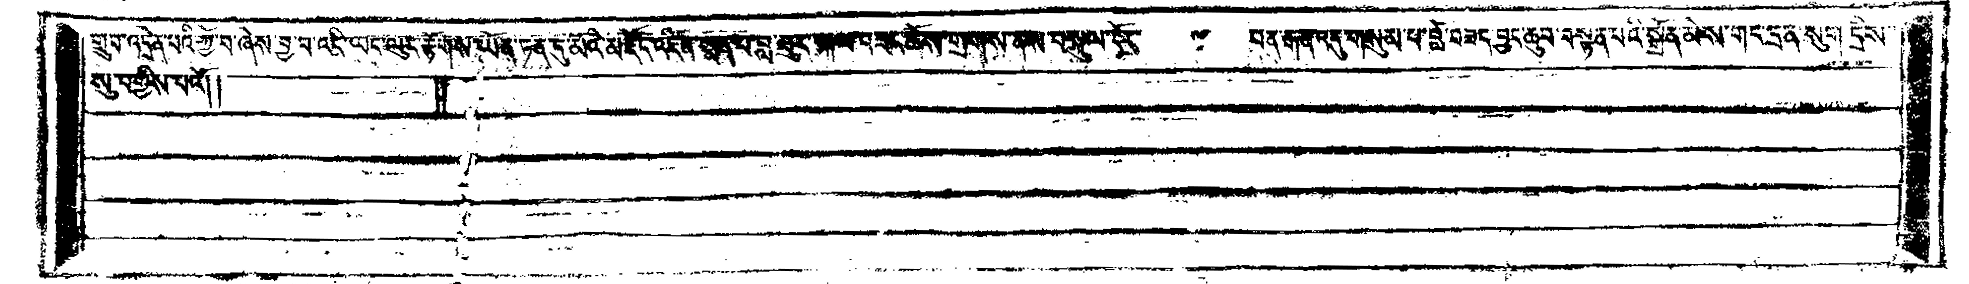གྲུབ་འདྲེན་པའི་ཀྱོ་བ་ཞེས་བྱ་བ་འདི་ཡང་ལུང་རྟོགས་ཡོན་ཏན་དུ་མའི་མཛོད་འཛིན་སྨན་པ་བླ་ཟུར་སྐལ་བཟང་ཆོས་གྲགས་ནས་བསྐུལ་ངོར་༧་བན་རྒན་འདུ་གསུམ་པ་བློ་བཟད་བྱང་ཆུབ་བསྟན་པའི་སྒྲོན་མེས་གང་དྲན་སུག་དྲིས་
སུ་བགྱིས་པའོ།། །